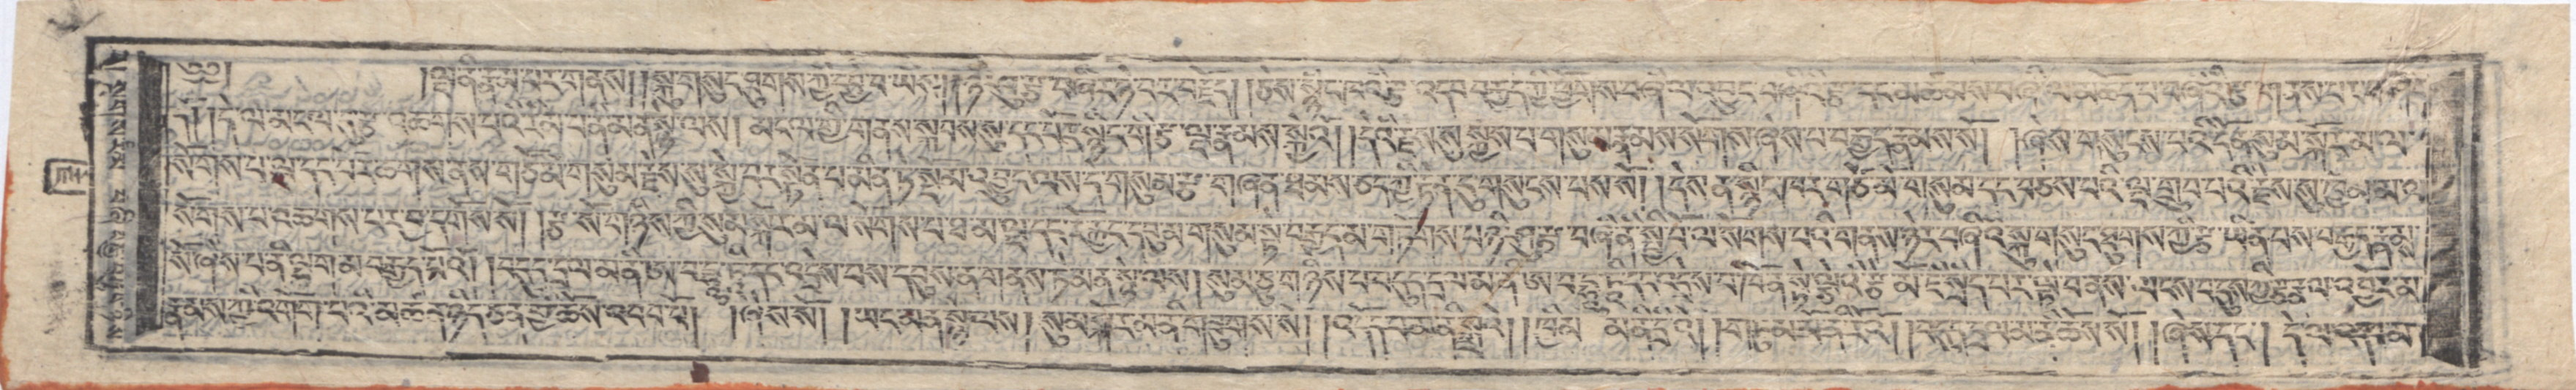༄༅། །ལྔ་ནི་རྣམ་པར་གནས། །སྐུ་གསུང་ཐུགས་ཀྱི་དབྱེ་བ་ཡིས། །ཉི་ཤུ་རྩ་བཞིར་ཉེ་བར་བརྗོད། །ཅེས་སྙིང་ཁའི་རྩ་འདབ་བརྒྱད་ཀྱི་ཕྱོགས་བཞི་ལ་འབྱུང་བཞིའི་རྩ་དང་མཚམས་བཞི་ལ་མཆོད་པ་བཞིའི་རྩ་གནས་པར་བཤད་
དོ། །དེ་ལ་མངལ་དུ་རྩ་འཆགས་པའི་རིམ་པ་ནི་མན་སྙེ་ལས། མངལ་གྱི་གནས་སྐབས་སུ་དང་པོར་སྙིང་གི་རྩ་ལྔ་རྣམས་སྐྱེའོ། །དེའི་རྗེས་སུ་སྐྱེས་པ་གསུམ་རྣམས་སོགས་ཞེས་པ་བརྒྱད་རྣམས་སོ། །ཞེས་གསུངས་པའི་དོན་སུམ་སྐོར་མ་ལ་
སོགས་པ་ལྔ་དང་པོར་ཆགས་ནས་གཙོ་མོ་གསུམ་རྗེས་སུ་སྐྱེ་བར་སྟོན་པ་མིན་ཏེ་སྡོམ་འབྱུང་ལས་དེ་གསུམ་རྩ་གཞན་ཐམས་ཅད་ཀྱི་རྟེན་དུ་གསུངས་པས་སོ། །དེས་ན་སྙིང་ཁར་གཙོ་མོ་གསུམ་དང་བཅས་པའི་ལྔ་གྲུབ་པའི་རྗེས་སུ་ཁྱིམ་མ་ལ་
སོགས་པ་འཆགས་པར་བྱ་དགོས་སོ། །རྩ་སོ་གཉིས་ཀྱི་སུམ་སྐོར་མ་ལ་སོགས་པ་ཐ་མ་ལྔ་དང་རོ་རྐྱང་དབུ་མ་གསུམ་སྟེ་བརྒྱད་མ་གཏོགས་པ་ཉི་ཤུ་རྩ་བཞི་ནི་སྤྱི་བོ་ལ་སོགས་པའི་གནས་ཉེར་བཞིའི་སྐུ་གསུང་ཐུགས་ཀྱི་རྩ་ཡིན་པས་བརྒྱད་རྣམས་
སོ་ཞེས་པ་ནི་ལྷག་མ་བརྒྱད་པོའོ། །བདུད་དྲལ་མ་ནི་ཨ་བ་དྷཱུ་ཏཱི་དང་འདྲེས་པས་དབུས་ན་གནས་ཏེ་མན་སྙེ་ལས། སུམ་ཅུ་གཉིས་པ་བདུད་དྲལ་མ་ནི་ཨ་བ་དྷཱུ་ཏཱི་དང་འདྲེས་པ་ཁོ་ན་སྟེ་ལྕེའི་རྩེ་མོ་ཇི་སྲིད་པར་ལྟེ་བ་ནས་ལངས་པ་དུས་ཀྱི་རྩ་རྣལ་འབྱོར་མ་
རྣམས་ཀྱི་འགོག་པའི་མཚན་ཉིད་ཅན་གྱི་ཆོས་འབབ་པོ། །ཞེས་སོ། །ཡང་མན་སྙེ་ལས། སུམ་སྐོར་མ་ནི་གཟུགས་སོ། །འདོད་པ་མ་ནི་སྒྲའོ། །ཁྱིམ་མ་ནི་དྲིའོ། །གཏུམ་མོ་ནི་རོའོ། །བདུད་དྲལ་མ་ནི་ཆོས་སོ། །ཞེས་དང་། དེ་ལ་འདབ་མ་